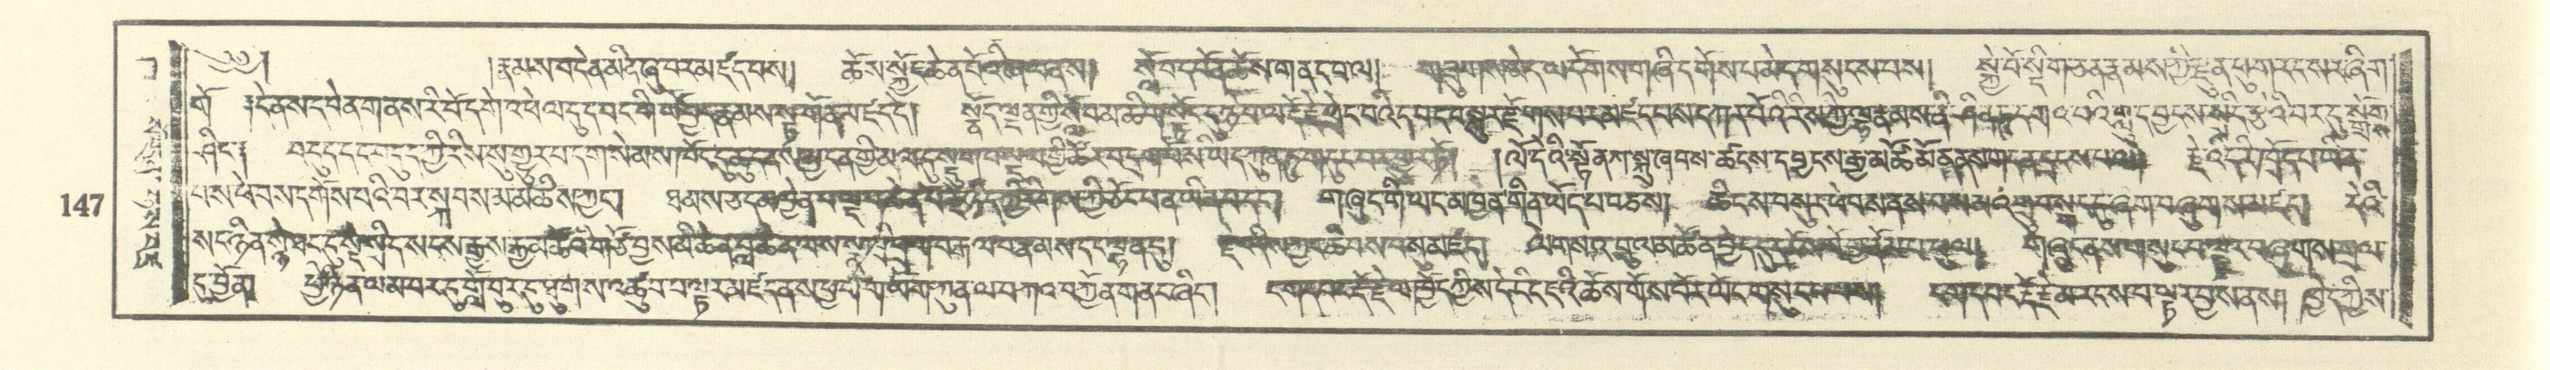༄༅། །རྣམས་བདེན་མིན་ཞུ་བར་མཛད་པས། ཆོས་སྐྱོང་ཆེན་པོའི་ཞལ་ནས། སློབ་དཔོན་ཆོས་གནང་བ་ལ། གཟུགས་མེད་ལ་དོགས་གཞི་དགོས་པ་མེད་གསུངས་པས། སྐྱེ་བོ་སྡིག་ཅན་རྣམས་ཀྱི་རྫུན་ཕུག་རང་སར་ཞིག་
གོ །དེ་ནས་དབེན་གནས་རི་བོ་དགེ་འཕེལ་དུ་དབང་གི་ཡོ་བྱད་རྣམས་སྟ་གོན་མཛད་དེ། སྣོད་ལྡན་གྱི་སློབ་མ་ཆིག་སྟོང་དུ་ཉེ་བ་ལ་རྡོ་རྗེ་ཕྲེང་བའི་དབང་བསྐུར་རྫོགས་པར་མཛད་པས་དཀར་པོའི་རིས་ཀྱི་ལྷ་རྣམས་ནི་ཤིན་ཏུ་དགའ་བའི་གླུ་དབྱངས་སྲིད་རྩེའི་བར་དུ་སྒྲོགས་
ཤིང༑ བདུད་དང་བདུད་ཀྱི་རིས་སུ་གྱུར་པ་དག་སེམས་ཁོང་དུ་ཆུད་ནས་མྱ་ངན་གྱི་མལ་དུ་སྡུག་བསྔལ་གྱི་ཚོར་བ་དྲག་པོས་ཡིད་ཀུན་ཏུ་གདུང་བར་གྱུར་ཏོ། །ལོ་དེའི་སྟོན་ཀ་སྐུ་ཞབས་ཚངས་དབྱངས་རྒྱ་མཚོ་མོན་ནས་གདན་དྲངས་པ་ལ། རྗེ་འདི་རི་ཁྲོད་པ་ཡིན་
པས་ཕེབས་དགོས་པའི་བར་སྐབས་མ་མཆིས་ཀྱང་། ཐམས་ཅད་མཁྱེན་པ་ལྔ་པ་ཆེན་པོ་རྗེ་ཉིད་ཀྱི་རིགས་ཀྱི་ཅོད་པན་ཡིན་པ་དང་། གཞུང་གི་ཡང་མཁྱེན་གིན་ཡོད་པ་བཅས། ཆིབས་བསུར་ཕེབས་ནས་བསམ་འགྲུབ་སྒང་དུ་ཞག་བཞུགས་མཛད། དེའི་
སང་ཉིན་སྙེ་ཐང་དུ་སྡེ་སྲིད་སངས་རྒྱས་རྒྱ་མཚོའི་གཙོ་བྱས་མི་ཆེན་བླ་ཆེན་ལས་སྣ་ཁྲི་ཕྲག་བརྒལ་བ་རྣམས་དང་ལྷན་དུ། རྗེ་འདིས་ཀྱང་ཆིབས་བསུ་མཛད། ལེགས་འབུལ་མཚོན་བྱེད་དུ་དངོས་པོ་གྱ་ནོམ་པ་ཕུལ། གཞུང་ནས་གསུང་བ་ལྟར་བཞུགས་གྲལ་
དུ་བྱོན། ཕྱི་ཉིན་ལམ་བར་དུ་གློ་བུར་དུ་ཐུགས་འཚུབ་པ་ལྟར་མཛད་ནས་ཕྱག་གཡོག་ཀུན་ལ་བཀའ་བཀྱོན་གནང་ཞིང་། ངག་དབང་རྡོ་རྗེ་ལ་ཁྱོད་ཀྱིས་དེ་རིང་ངའི་ཆོས་གོས་བོར་ཡོང་གསུངས་པས། ངག་དབང་རྡོ་རྗེ་མ་རངས་པ་ལྟར་བྱས་ནས། ཁྱེད་ཀྱིས་